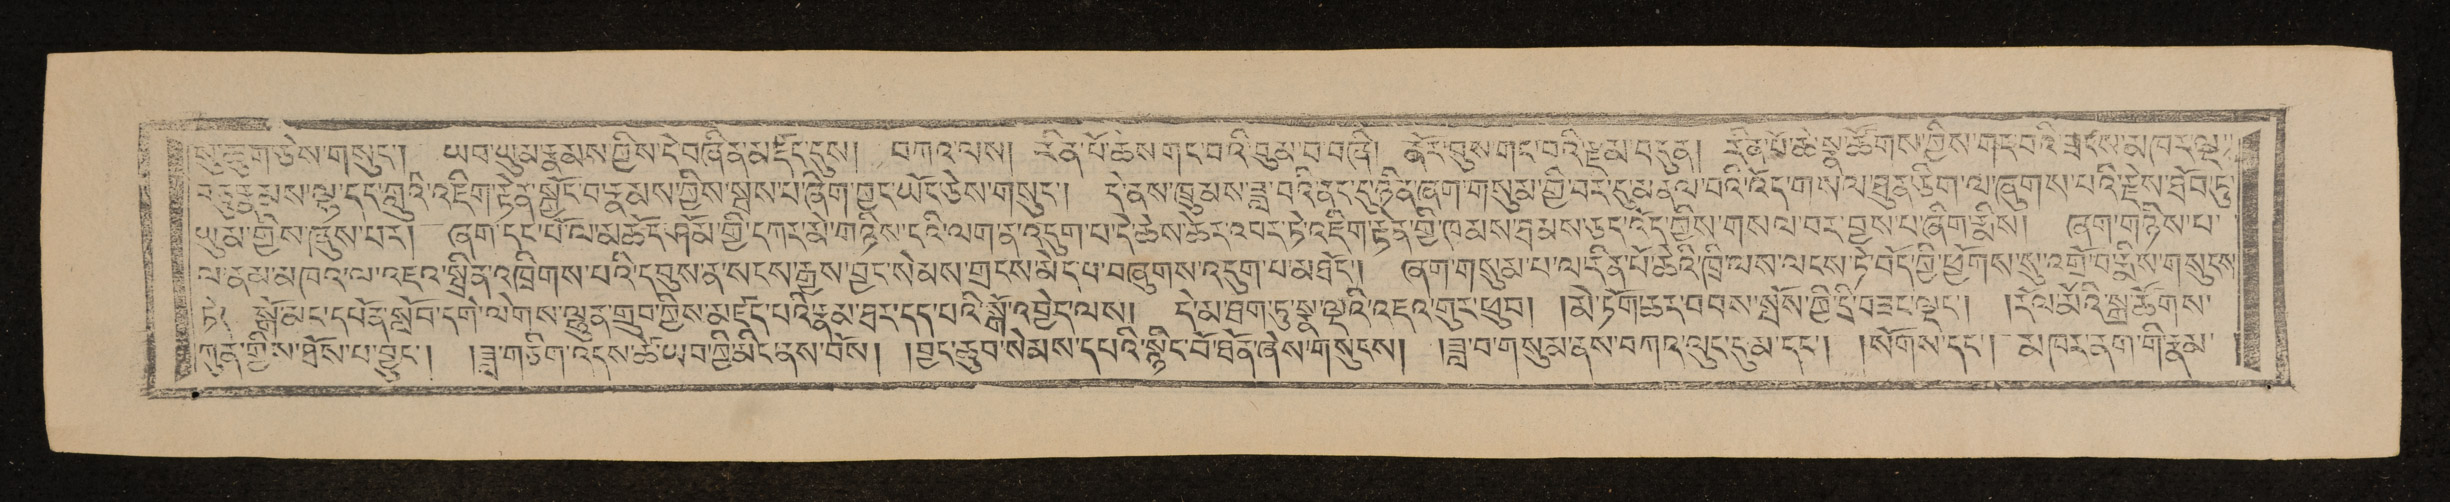སུ་ཆུག་ཅེས་གསུང་། ཡབ་ཡུམ་རྣམས་ཀྱིས་དེ་བཞིན་མཛད་དུས། བཀའ་ལས། རིན་པོ་ཆེས་གང་བའི་བུམ་པ་བཞི། ནོར་བུས་གང་བའི་རྫམ་བདུན། རིན་པོ་ཆེ་སྣ་ཚོགས་ཀྱིས་གང་བའི་ཟངས་མཁར་ལྔ་
བཅུ་རྣམས་ལྷ་དང་ཀླུའི་འཇིག་རྟེན་སྐྱོང་བ་རྣམས་ཀྱིས་སྦས་པ་ཞིག་ཀྱང་ཡོད་ཅེས་གསུང་། དེ་ནས་ཁྲུམས་ཟླ་བའི་ནང་དུ་ཉིན་ཞག་གསུམ་གྱི་བར་དུ་མནལ་བའི་འོད་གསལ་ཐུན་ཅིག་ལ་ཞུགས་པའི་རྗེས་ཐོབ་ཏུ་
ཡུམ་གྱིས་ཞུས་བར། ཞག་དང་པོ་ལ་མཆོད་ཤོམ་གྱི་དཀར་མེ་གཉིས་ངའི་ལག་ན་འདུག་པ་དེ་ཆེས་ཆེར་འབར་ཏེ་འཇིག་རྟེན་གྱི་ཁམས་ཐམས་ཅད་འོད་ཀྱིས་གསལ་བར་བྱས་པ་ཞིག་རྨིས། ཞག་གཉིས་པ་
ལ་ནམ་མཁའ་ལ་འཇའ་སྤྲིན་འཁྲིགས་པའི་དབུས་ན་སངས་རྒྱས་བྱང་སེམས་གྲངས་མེད་པ་བཞུགས་འདུག་པ་མཐོང་། ཞག་གསུམ་པ་ལ་རིན་པོ་ཆེའི་ཁྲི་ལས་ལངས་ཏེ་བོད་ཀྱི་ཕྱོགས་སུ་འགྲོ་བ་རྨིས་གསུངས་
ཏེ༑ སྒོ་མང་དཔོན་སློབ་དགེ་ལེགས་ལྷུན་གྲུབ་ཀྱིས་མཛད་པའི་རྣམ་ཐར་དད་པའི་སྒོ་འབྱེད་ལས། དེ་མ་ཐག་ཏུ་སྣ་ལྔའི་འཇའ་གུར་ཕུབ། །མེ་ཏོག་ཆར་བབས་སྦོས་ཀྱི་དྲི་བཟང་ལྡང་། །རོལ་མོའི་སྒྲ་ཚོགས་
ཀུན་གྱིས་ཐོས་པ་བྱུང་། །ཟླ་གཅིག་འདས་ཚེ་ཡབ་ཀྱི་མིང་ནས་བོས། །བྱང་ཆུབ་སེམས་དཔའི་སྙིང་པོ་ཐོན་ཞེས་གསུངས། །ཟླ་བ་གསུམ་ནས་བཀའ་ལུང་དུ་མ་དང་། །སོགས་དང་། མཁར་ནག་གི་རྣམ་